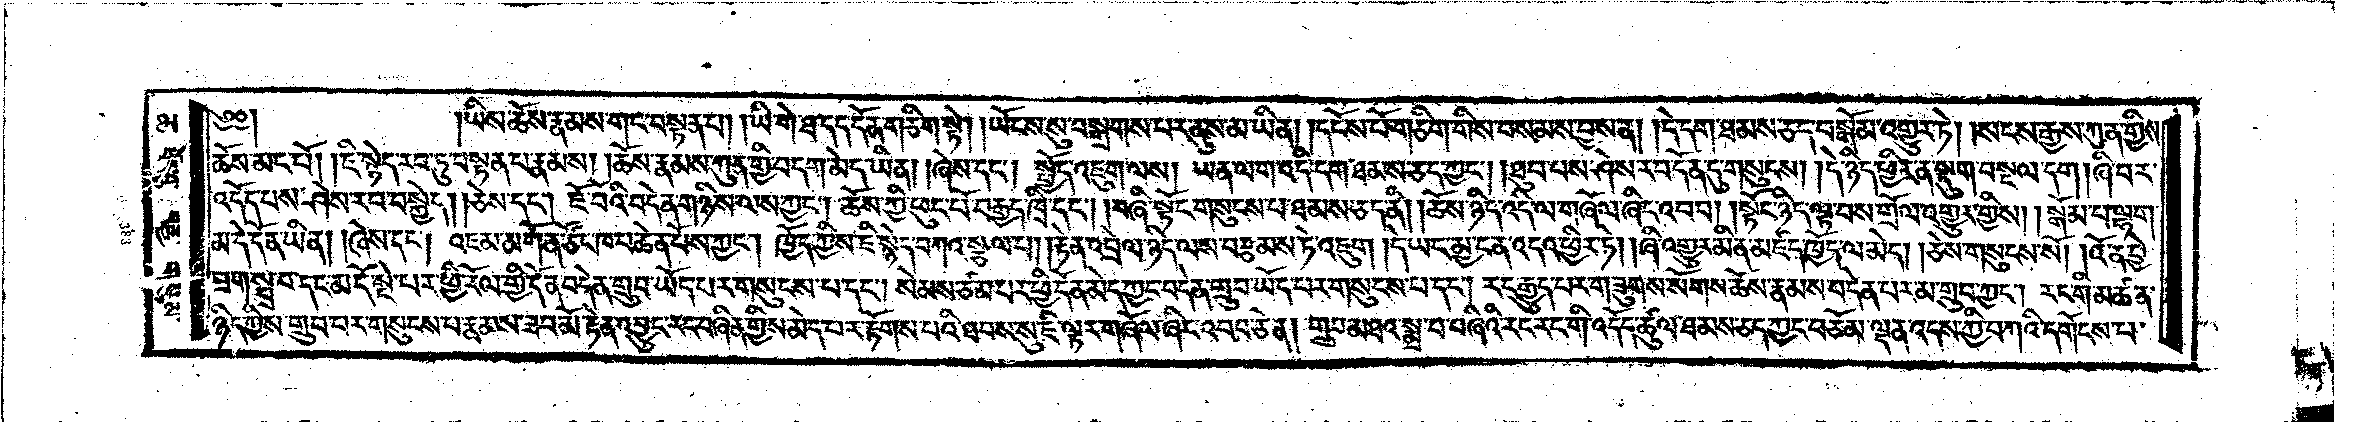༄༅། །ཡིས་ཆོས་རྣམས་གང་བསྟན་པ། །ཡི་གེ་ཐ་དད་དོན་གཅིག་སྟེ། །ཡོངས་སུ་བསྒྲགས་པར་ནུས་མ་ཡིན། །དངོས་པོ་གཅིག་གིས་བསམས་བྱས་ན། །དེ་དག་ཐམས་ཅད་བསྒོམ་འགྱུར་ཏེ། །སངས་རྒྱས་ཀུན་གྱིས་
ཆོས་མང་པོ། །ཇི་སྙེད་རབ་ཏུ་བསྟན་པ་རྣམས། །ཆོས་རྣམས་ཀུན་གྱི་བདག་མེད་ཡིན། །ཞེས་དང་། སྤྱོད་འཇུག་ལས། ཡན་ལག་འདི་དག་ཐམས་ཅད་ཀྱང་། །ཐུབ་པས་ཤེས་རབ་དོན་དུ་གསུངས། །དེ་ཉིད་ཕྱིར་ན་སྡུག་བསྔལ་དག །ཞི་བར་
འདོད་པས་ཤེས་རབ་བསྐྱེད། །ཅེས་དང་། ཇོ་བོའི་བདེན་གཉིས་ལས་ཀྱང་། ཆོས་ཀྱི་ཕུང་པོ་བརྒྱད་ཁྲི་དང་། །བཞི་སྟོང་གསུངས་པ་ཐམས་ཅད་ནི། །ཆོས་ཉིད་འདི་ལ་གཞོལ་ཞིང་འབབ། །སྟོང་ཉིད་ལྟ་བས་གྲོལ་འགྱུར་གྱིས། །སྒོམ་པ་ལྷག་
མ་དེ་དོན་ཡིན། །ཞེས་དང་། འཇམ་མགོན་ཙོང་ཁ་པ་ཆེན་པོས་ཀྱང་། ཁྱོད་ཀྱིས་ཇི་སྙེད་བཀའ་སྩལ་པ། །རྟེན་འབྲེལ་ཉིད་ལས་བརྩམས་ཏེ་འཇུག །དེ་ཡང་མྱ་ངན་འདའ་ཕྱིར་ཏེ། །ཞི་འགྱུར་མིན་མཛད་ཁྱོད་ལ་མེད། །ཅེས་གསུངས་སོ། །འོ་ན་བྱེ་
བྲག་སྦྲ་བ་དང་མདོ་སྡེ་པར་ཕྱི་རོལ་གྱི་དོན་བདེན་གྲུབ་ཡོད་པར་གསུངས་པ་དང་། སེམས་ཙམ་པར་ཕྱི་དོན་མེད་ཀྱང་བདེན་གྲུབ་ཡོད་པར་གསུངས་པ་དང་། རང་རྒྱུད་པར་གཟུགས་སོགས་ཆོས་རྣམས་བདེན་པར་མ་གྲུབ་ཀྱང་། རང་གི་མཚན་
ཉིད་ཀྱིས་གྲུབ་པར་གསུངས་པ་རྣམས་ཟབ་མོ་རྟེན་འབྱུང་རང་བཞིན་གྱིས་མེད་པར་རྟོགས་པའི་ཐབས་སུ་ཇི་ལྟར་གཞོལ་ཞིང་འབབ་ཅེན། གྲུབ་མཐའ་སྨྲ་བ་བཞིའི་རང་རང་གི་འདོད་ཚུལ་ཐམས་ཅད་ཀྱང་བཅོམ་ལྡན་འདས་ཀྱི་བཀའི་དགོངས་པ་